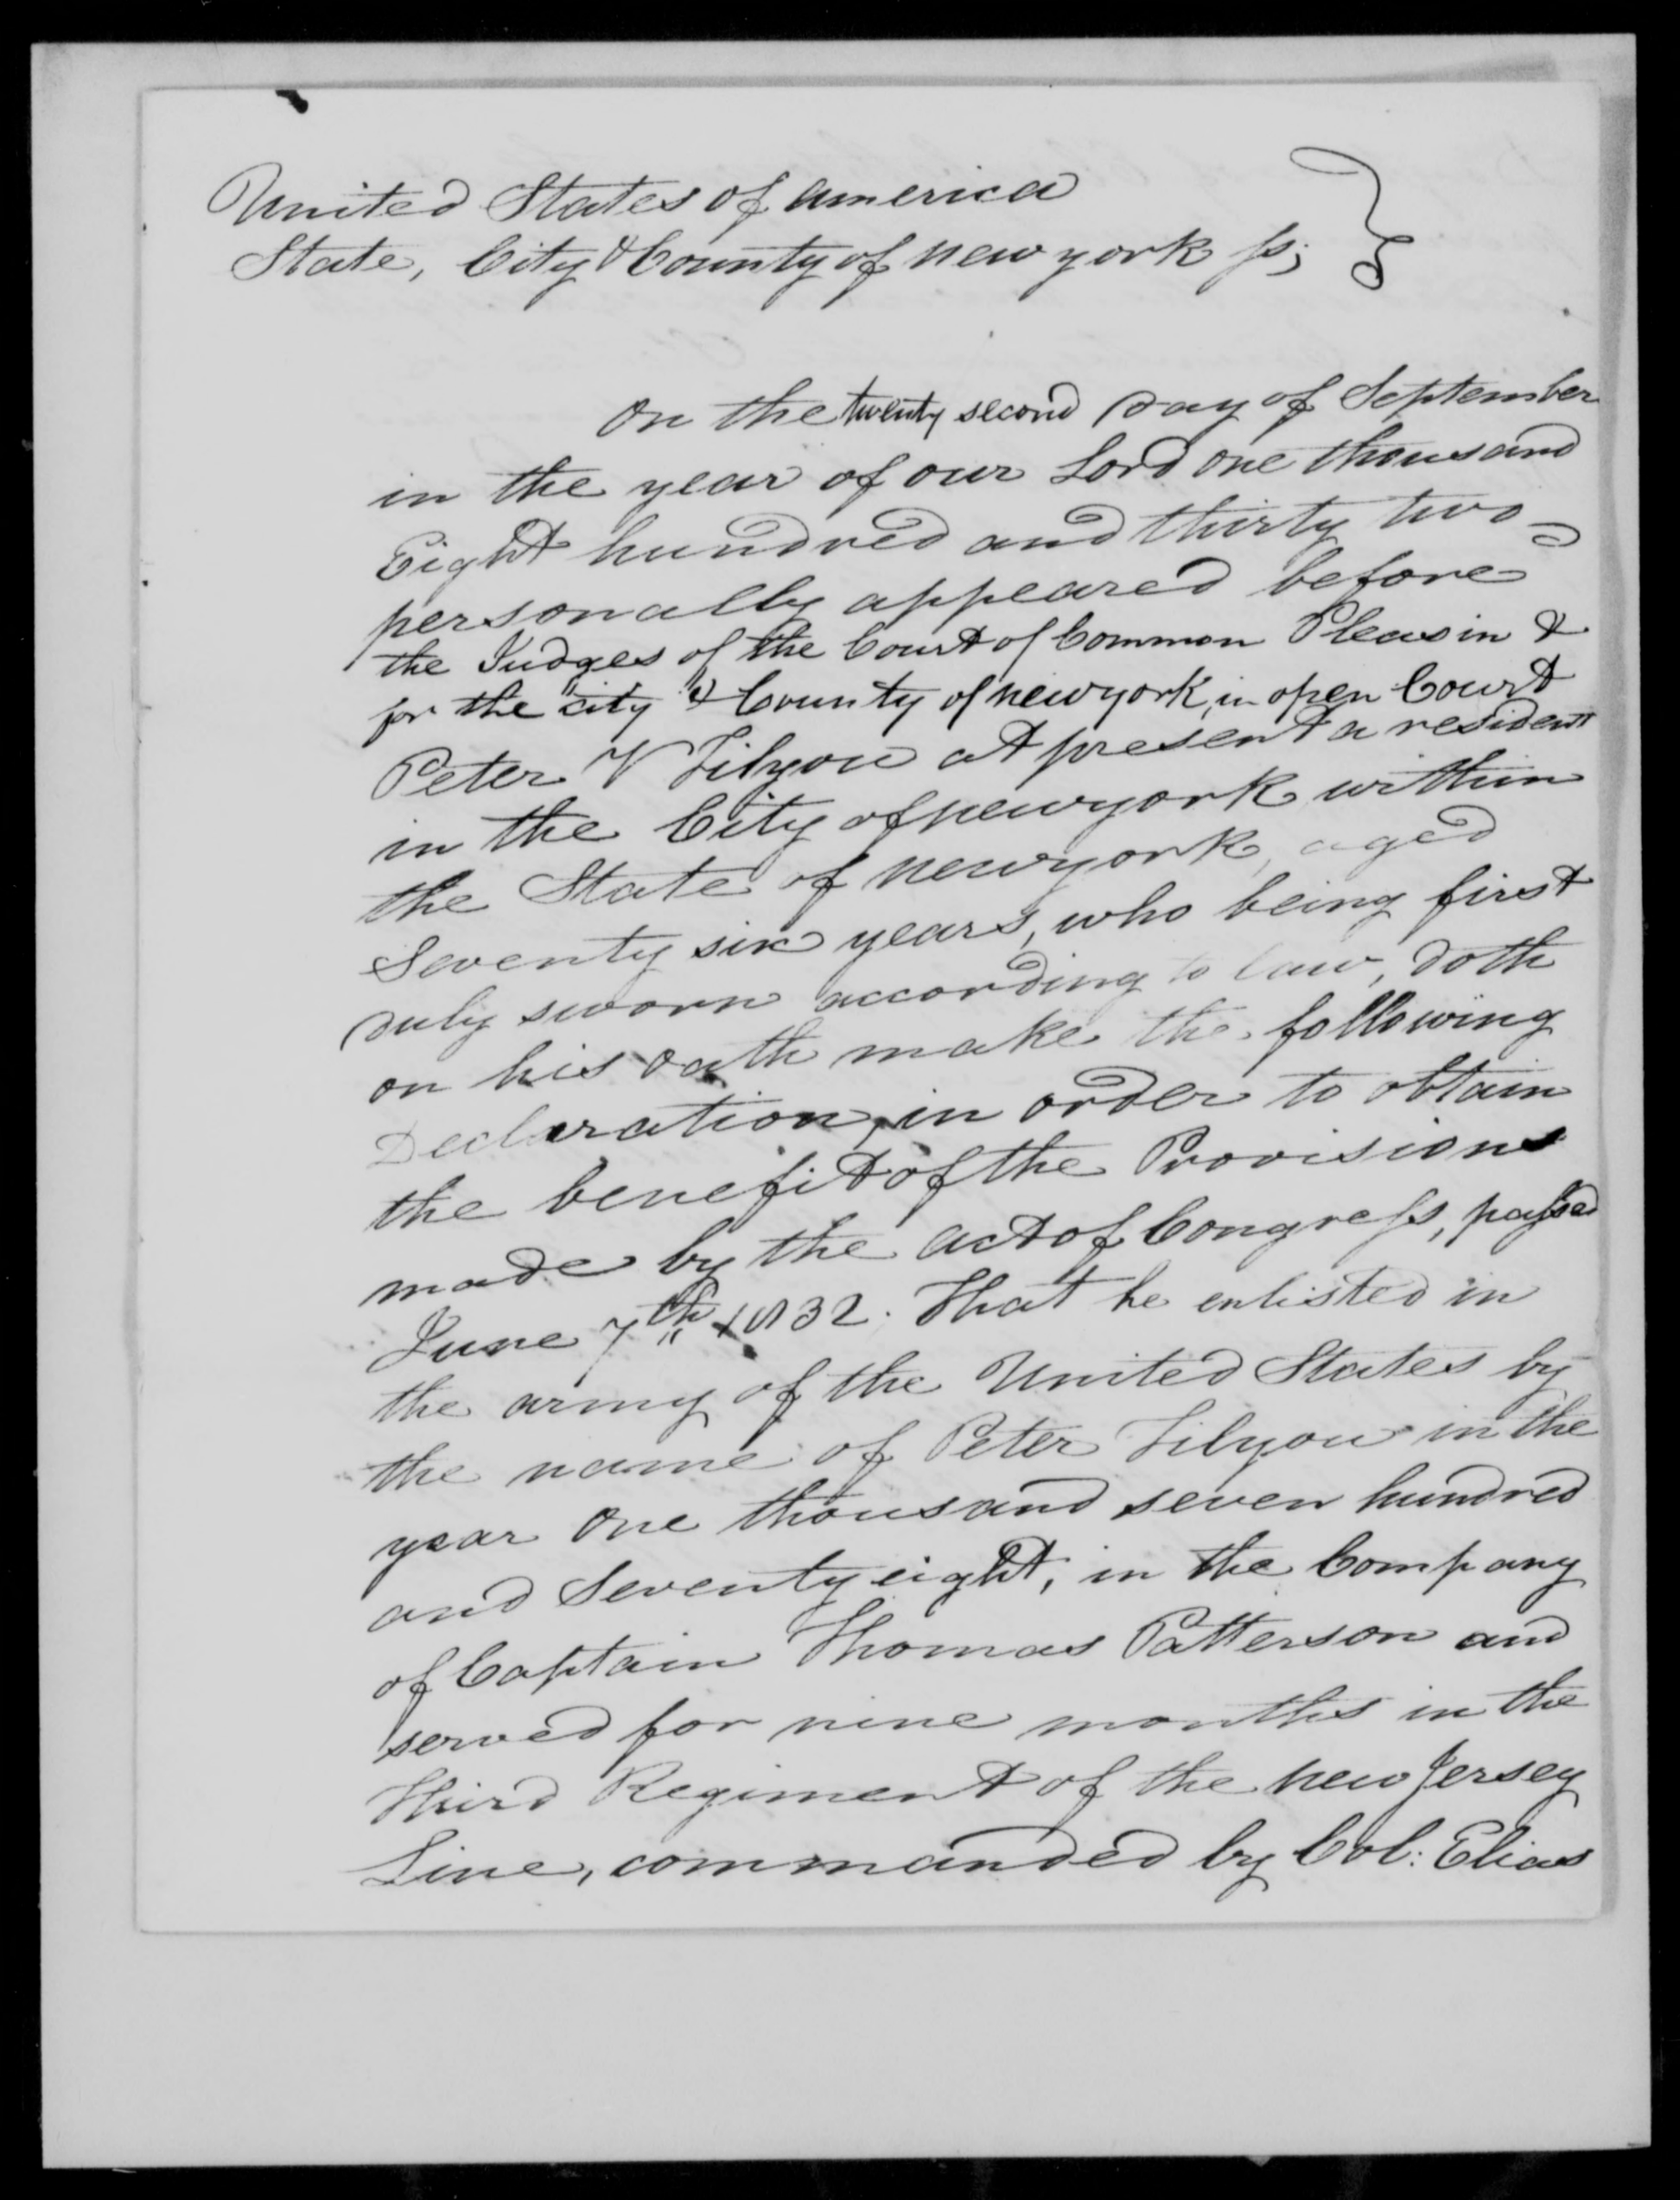United States of America
State, City & County of New York } ss

On the twenty second day of September in the year of our Lord one thousand eight hundred and thirty two personally appeared before the Judges of the Court of Common Pleas in & for the city & county of New York in open Court Peter V Tilyou at present a resident in the City of New York within the State of New York aged Seventy six years, who being first duly sworn according to law, doth on his oath make the following Declaration in order to obtain the benefit of the Pensioner Act made by the Act of Congress, passed June 7th, 1832. That he enlisted in the Army of the United States by the name of Peter Tilyou in the year one thousand seven hundred and seventy eight, in the Company of Captain Thomas Patterson and served for nine months in the Third Regiment of the New jersey line, commanded by Col. Elias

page: 5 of 101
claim: widow's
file: W. 25481, for Peter V Tilyou, New Jersey